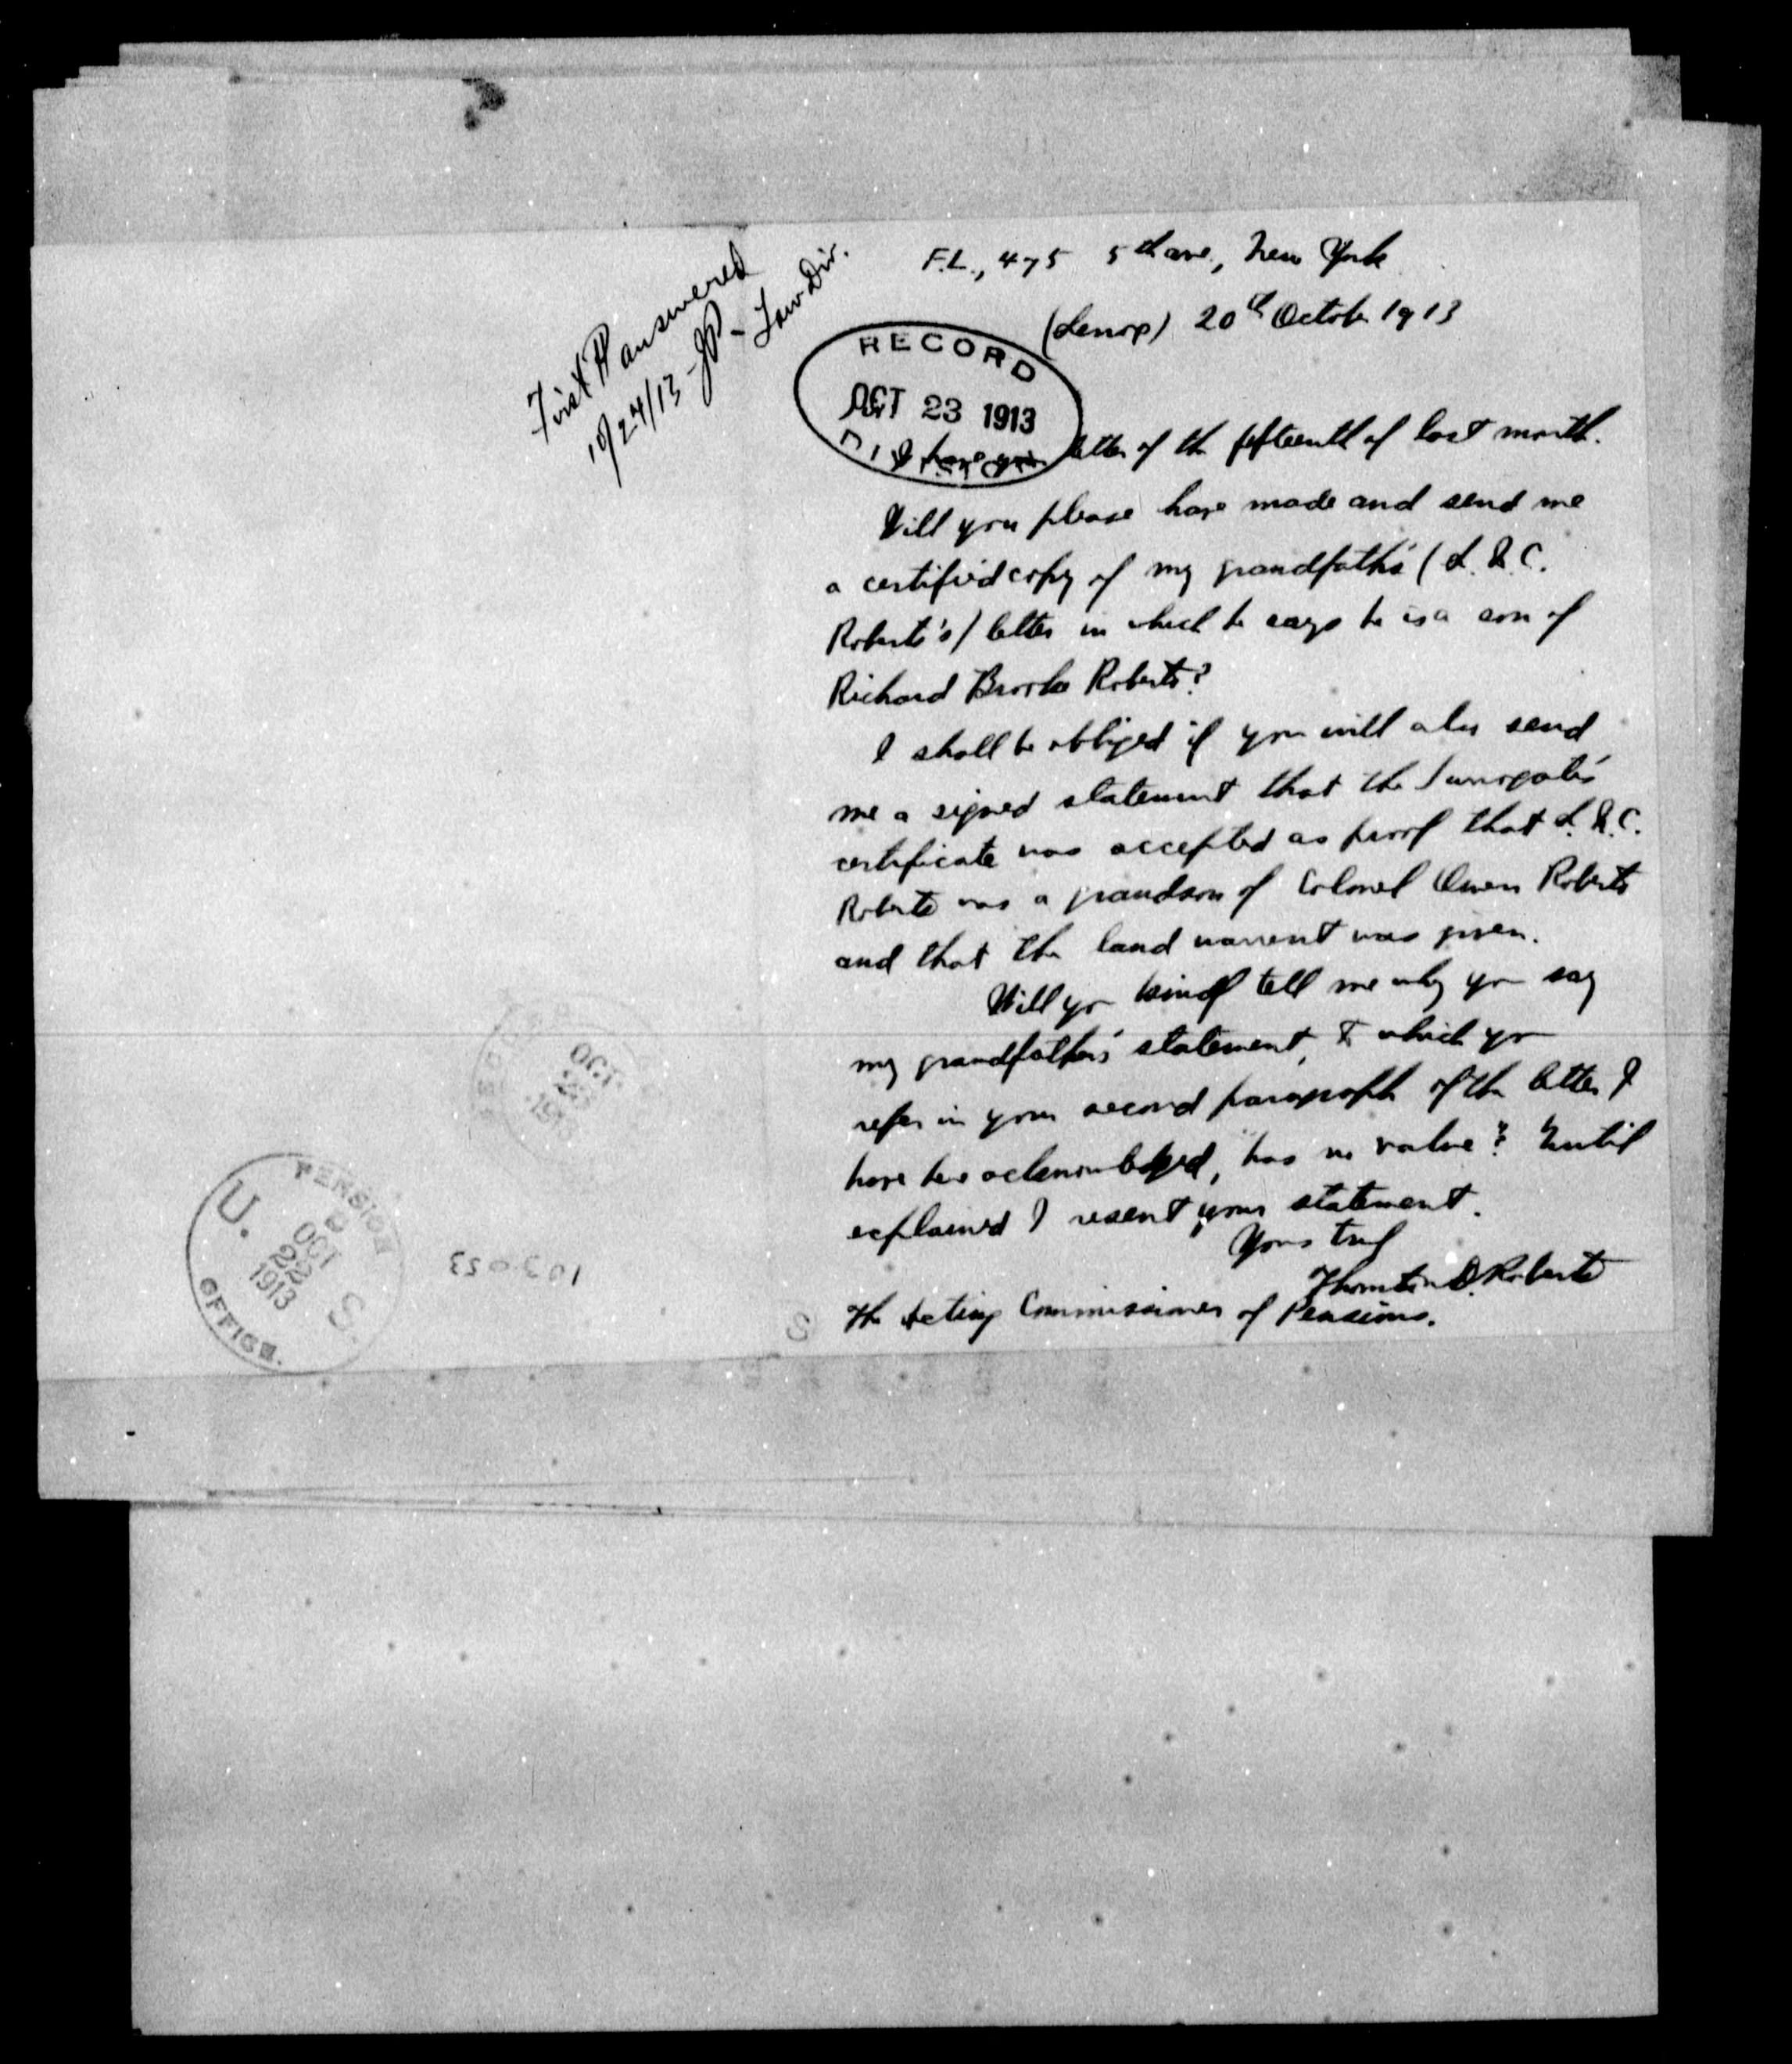F.L., 475  5th Ave., New York

(denrp)[?] 20th October 1913

Sir

I have your letter of the fifteenth of last month.
Will you please have made and send me
a certified copy of my grandfather's L.Q.C. Roberts' letter in which he says he is a sone of 
Richard Brook Roberts?

I shall be obliged if you will also send 
me a signed statement that the [illegible]
certificate was accepted as proof that L.Q.C.
Roberts is a grandson of Colonel Owen Roberts
and that the lad warrant was given.

Will you kindly tell me why you say
my grandfather's statement to which you
refer in your second paragraph of the letter I 
have here acknowledged has no value?  Until
explained I resent your statement.

Yours truly
Thomas D. Roberts

The Acting Commissioner of Pensions.

[date stamp]
U. S. PENSION OFFICE
D
OCT 22 1913

[date stamp - round]
RECORD DIVISION
OCT 23 1913

[date stamp - oval]
RECORD DIVISION
OCT 23 1913

[note on left margin]
First ¶ answered
10/24/13 - JP - Law Div.

[written upside down at bottom of page]
103053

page: 21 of 59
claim: bounty land warrant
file: B.L.Wt. 2359-500, for Owen Roberts, South Carolina